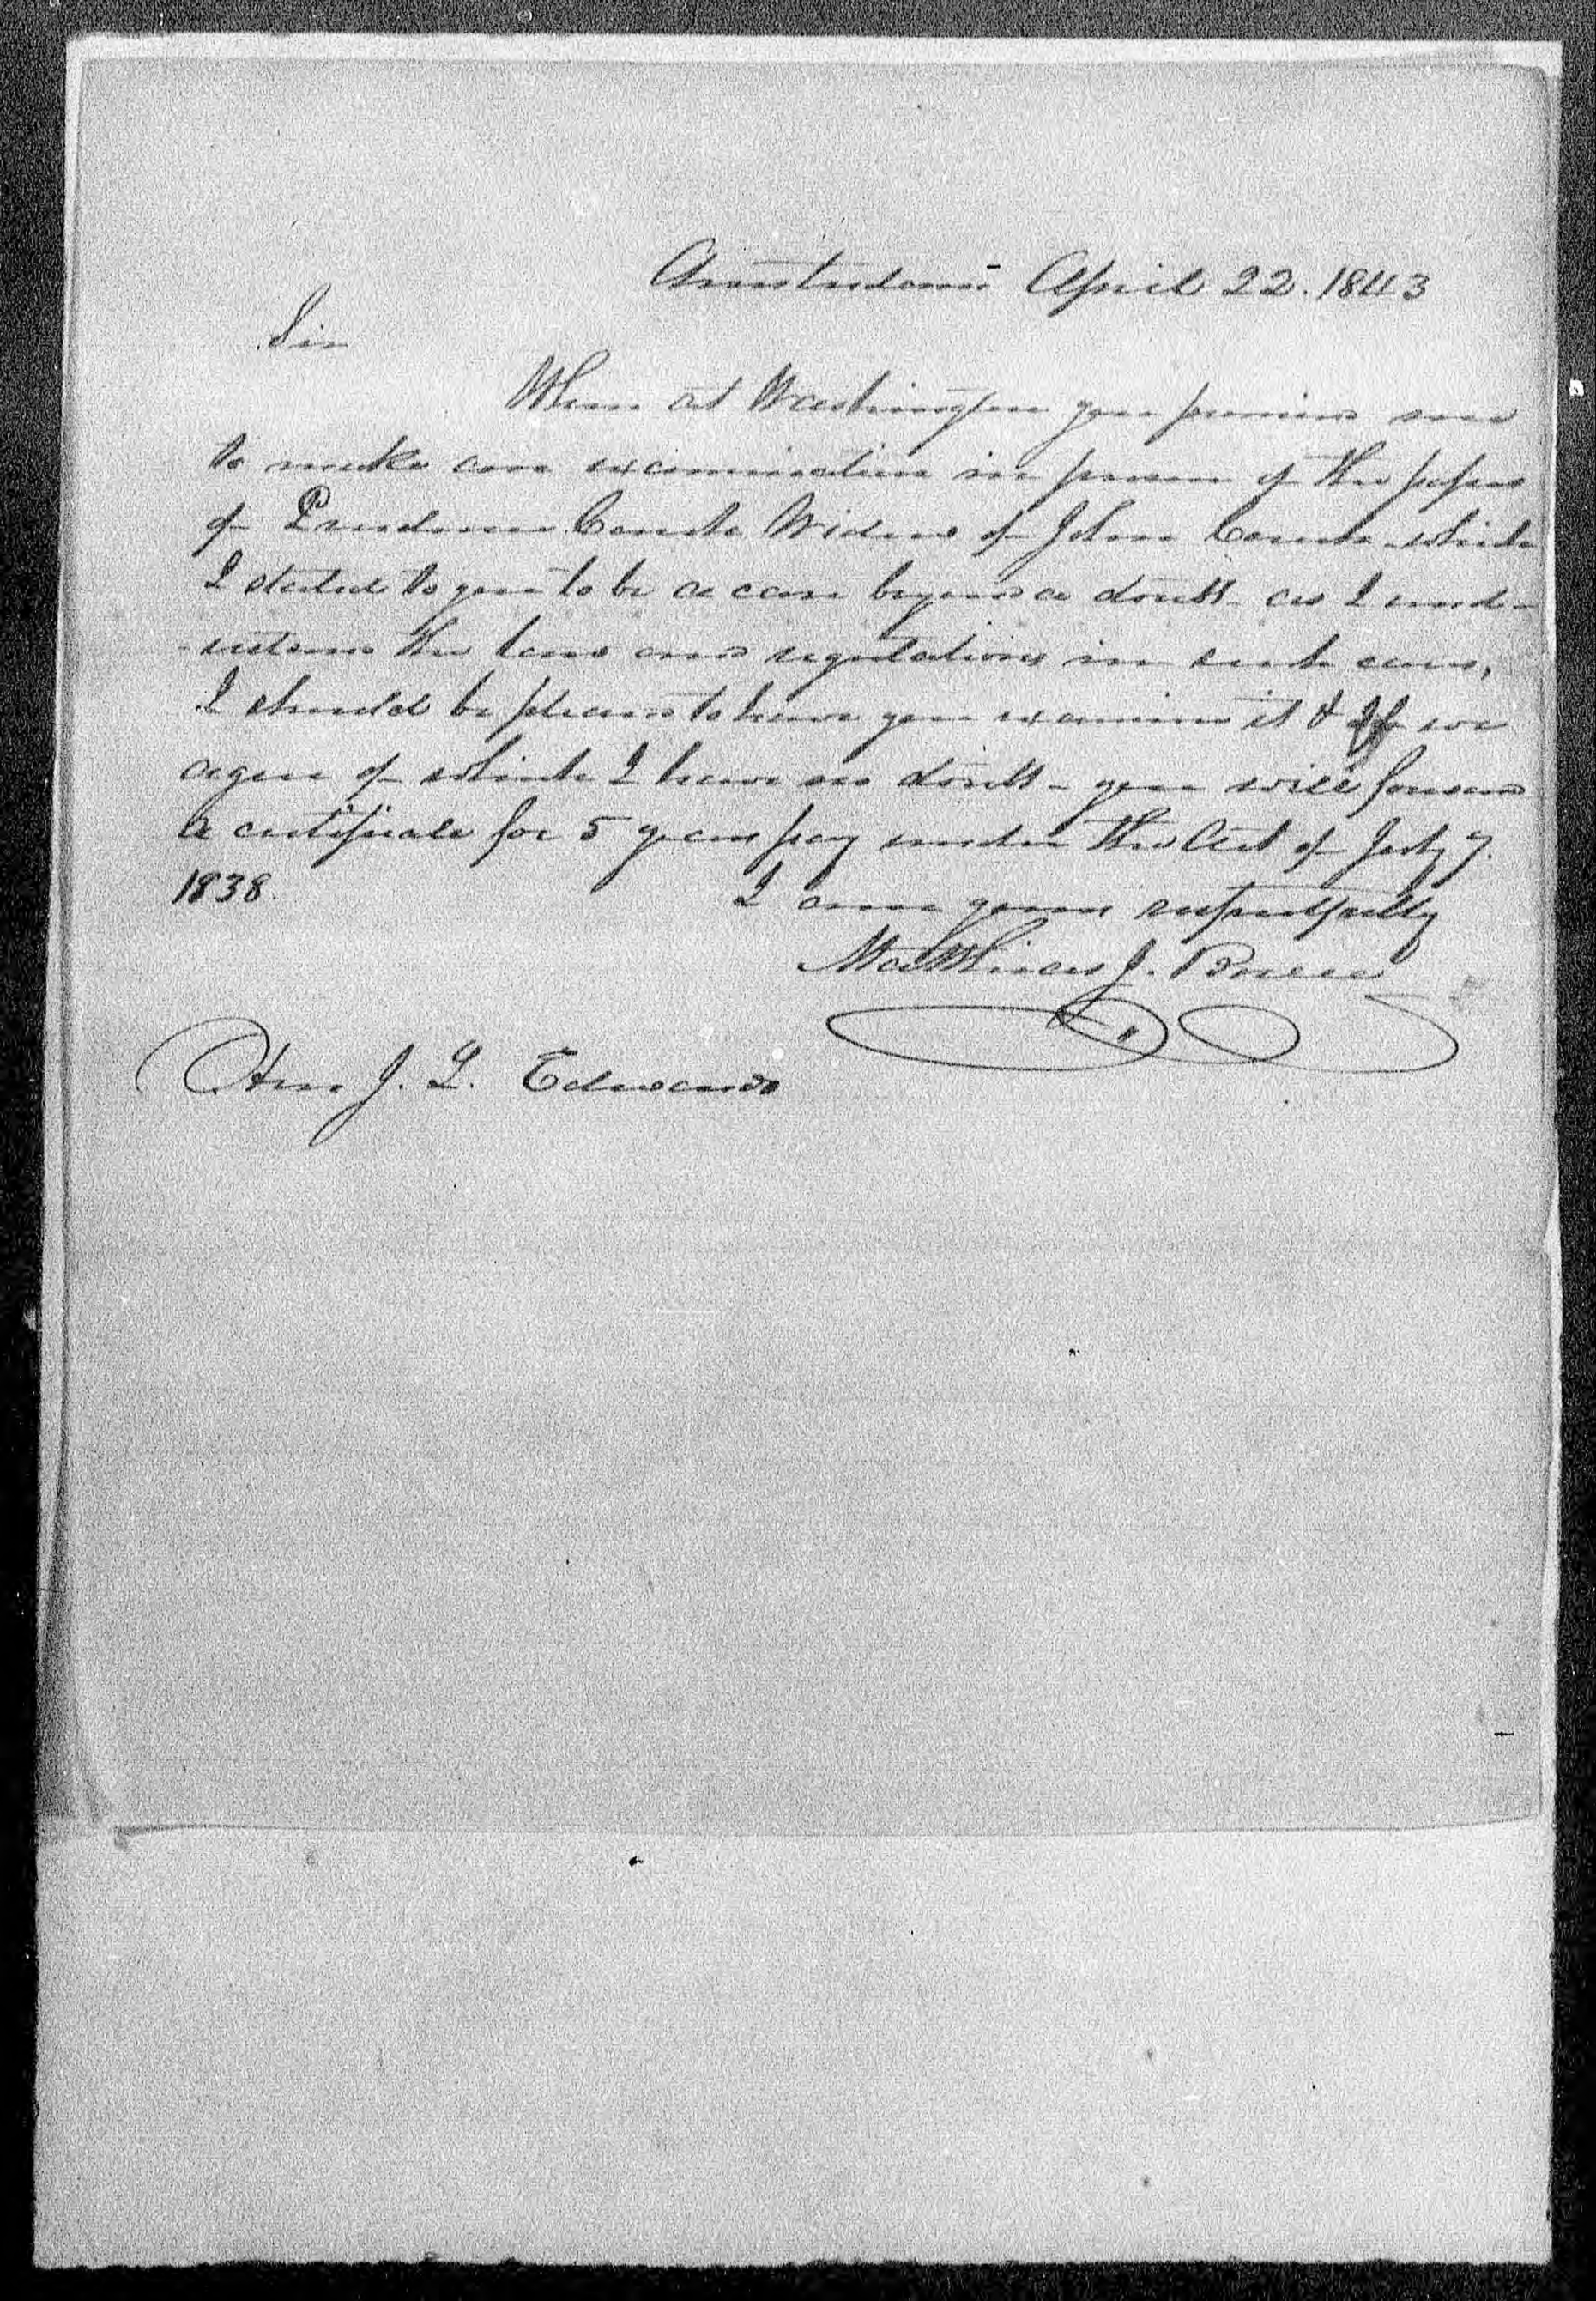?
April 22, 1843

Sir
When at Washington your pension said to make care examination in a person of the papers of Prudence Couch Widow of John Couch which I stated to you to be a case beyond a doubt as I understood the laws and regulations in such cases. I should be pleasedd to have you examine it & if we agree of which I have no doubt-- you will forward a certificate for 5 years pay under the Act of July 7, 1838.
I am yours respectfully
Matthias J. Bovee
Hon. J. L. Edwards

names: Prudence Couch, John Couch, J L Edwards, Matthias J Bovee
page: 62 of 68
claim: rejected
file: R. 2,360, John Couch, Conn.